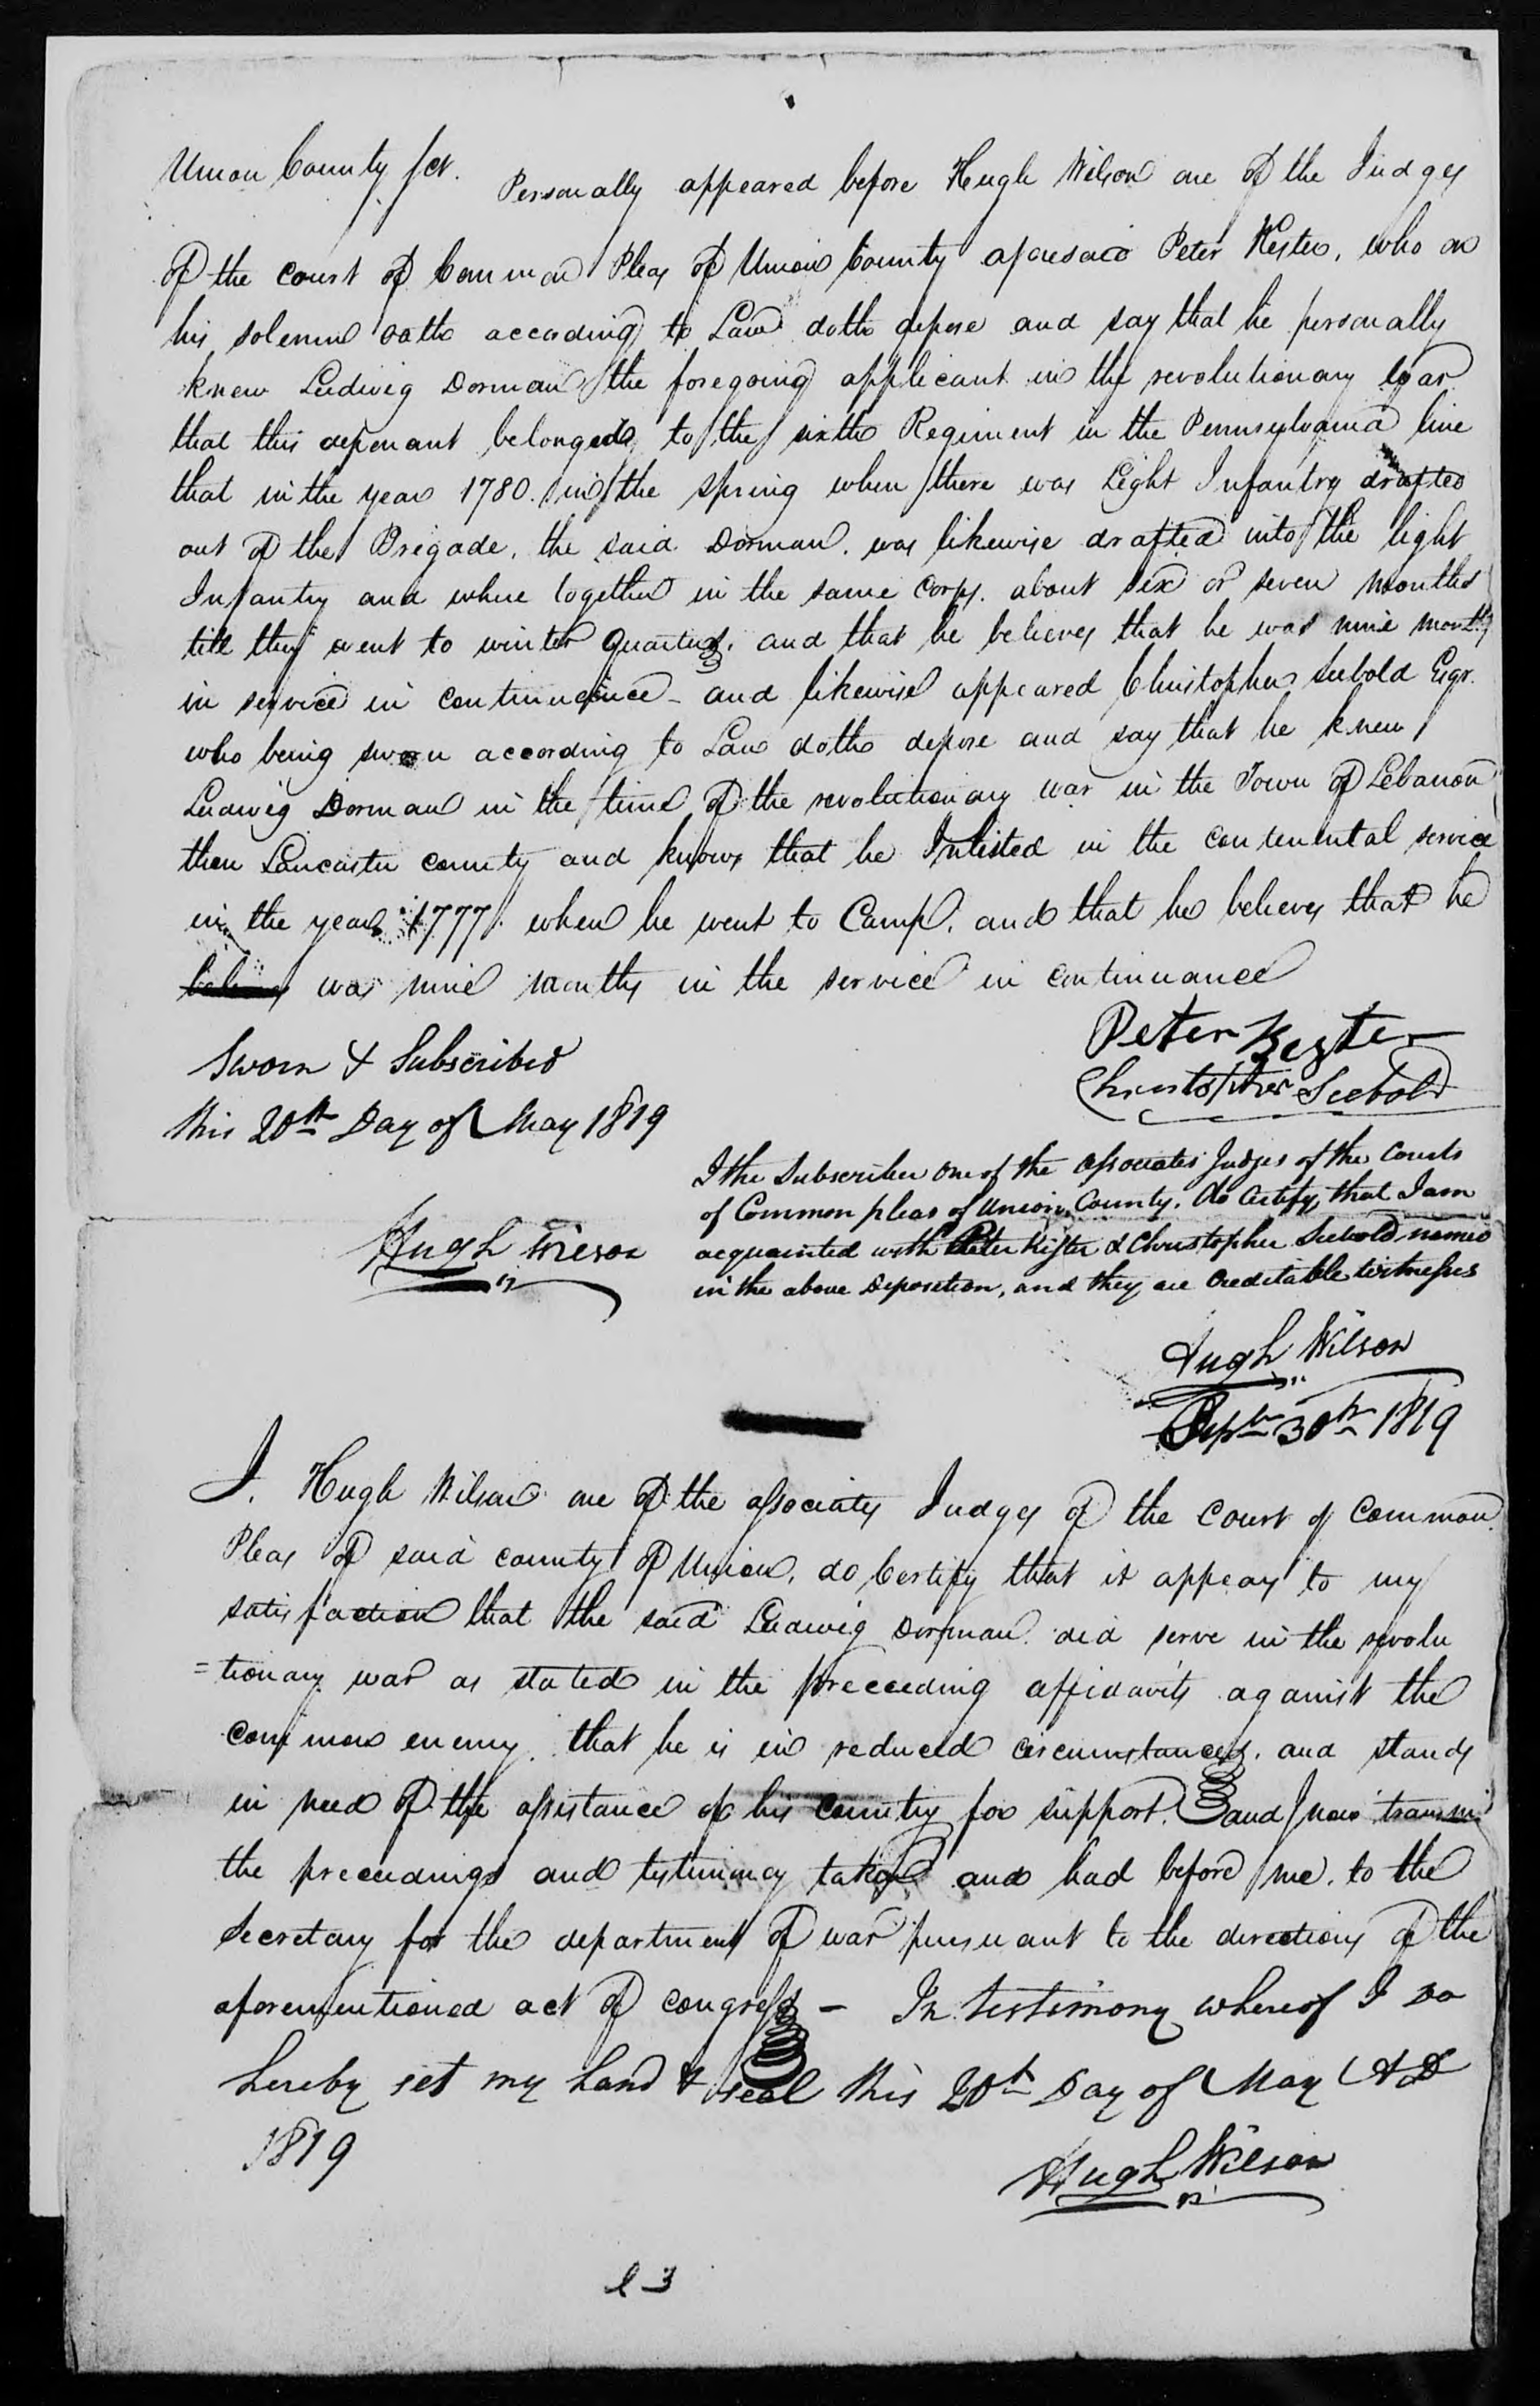Union County Jct.
Personally appeared before Hugh Wilson one of the Court of Common Pleas of Union County aforesaid Peter Kester, who on his solemn oath according to Law doth despose and say that he personally knew Ludwig Dorman the foregoing applicant in the revolutionary war that this deponent belonged to the sixth Regiment in the Pennsylvania line that in the year 1780 and the spring when there was Light Infantry drafted out of the Brigade, the said Dorman was likewise drafted into the light Infantry and where together in the same Corps about six of seven months in service in continence and likewise appeared Christopher Sebold Esq who being sworn according to Law doth despose and say that he knew Ludwig Dorman in the time of the revolutionary war in the Town of Lebanon then Lancaster county and knows that he enlisted in the continental service in the year1777 when he went to Camp and that he believes that he was nine months in the service in continuance.
Sworn & Subscribe
this 20th Day of May 1819
PeterKester
Christopher Sebold
I the subscriber one of the associate Judges of the Courts of Common Pleas of Union County, do certify that I am acquainted with Peter Lester and Christopher Sebold named in the above Deposition, and the are creditable witnesses
Hugh Wilson
Sept. 30th 1819
I, Hugh Wilson one of the associate Judges of the Court of Common Please of said county of Union, do Certify that it appears to my satisfaction that the said Ludwig Dorman did serve in the revolutionary war as stated in the preceding affidavit against the common enemy that he is in reduced circumstances, and stands in need of the assistance of his country for support and [illegible] [illegible] proceedings and testimony taken and had before me to the Secretary for the department of was pursuant to the directions of the aforementioned act of congress.  In testimony whereof I do hereby set my hand & seal this 20th day of May AD 1819
Hugh Wilson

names: Hugh Wilson, Ludwig Dorman, Peter Kester, Christopher Seebold, Hugh Wilson, Hugh Wilson, Hugh Wilson, Hugh Wilson, Christopher Seebold, Ludwig Dorman, Christopher Seebold, Ludwig Dorman, Peter Kester, Dorman, Peter Kester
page: 16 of 16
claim: survivor's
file: S. 42,175, Ludwig Dorman, Penn.